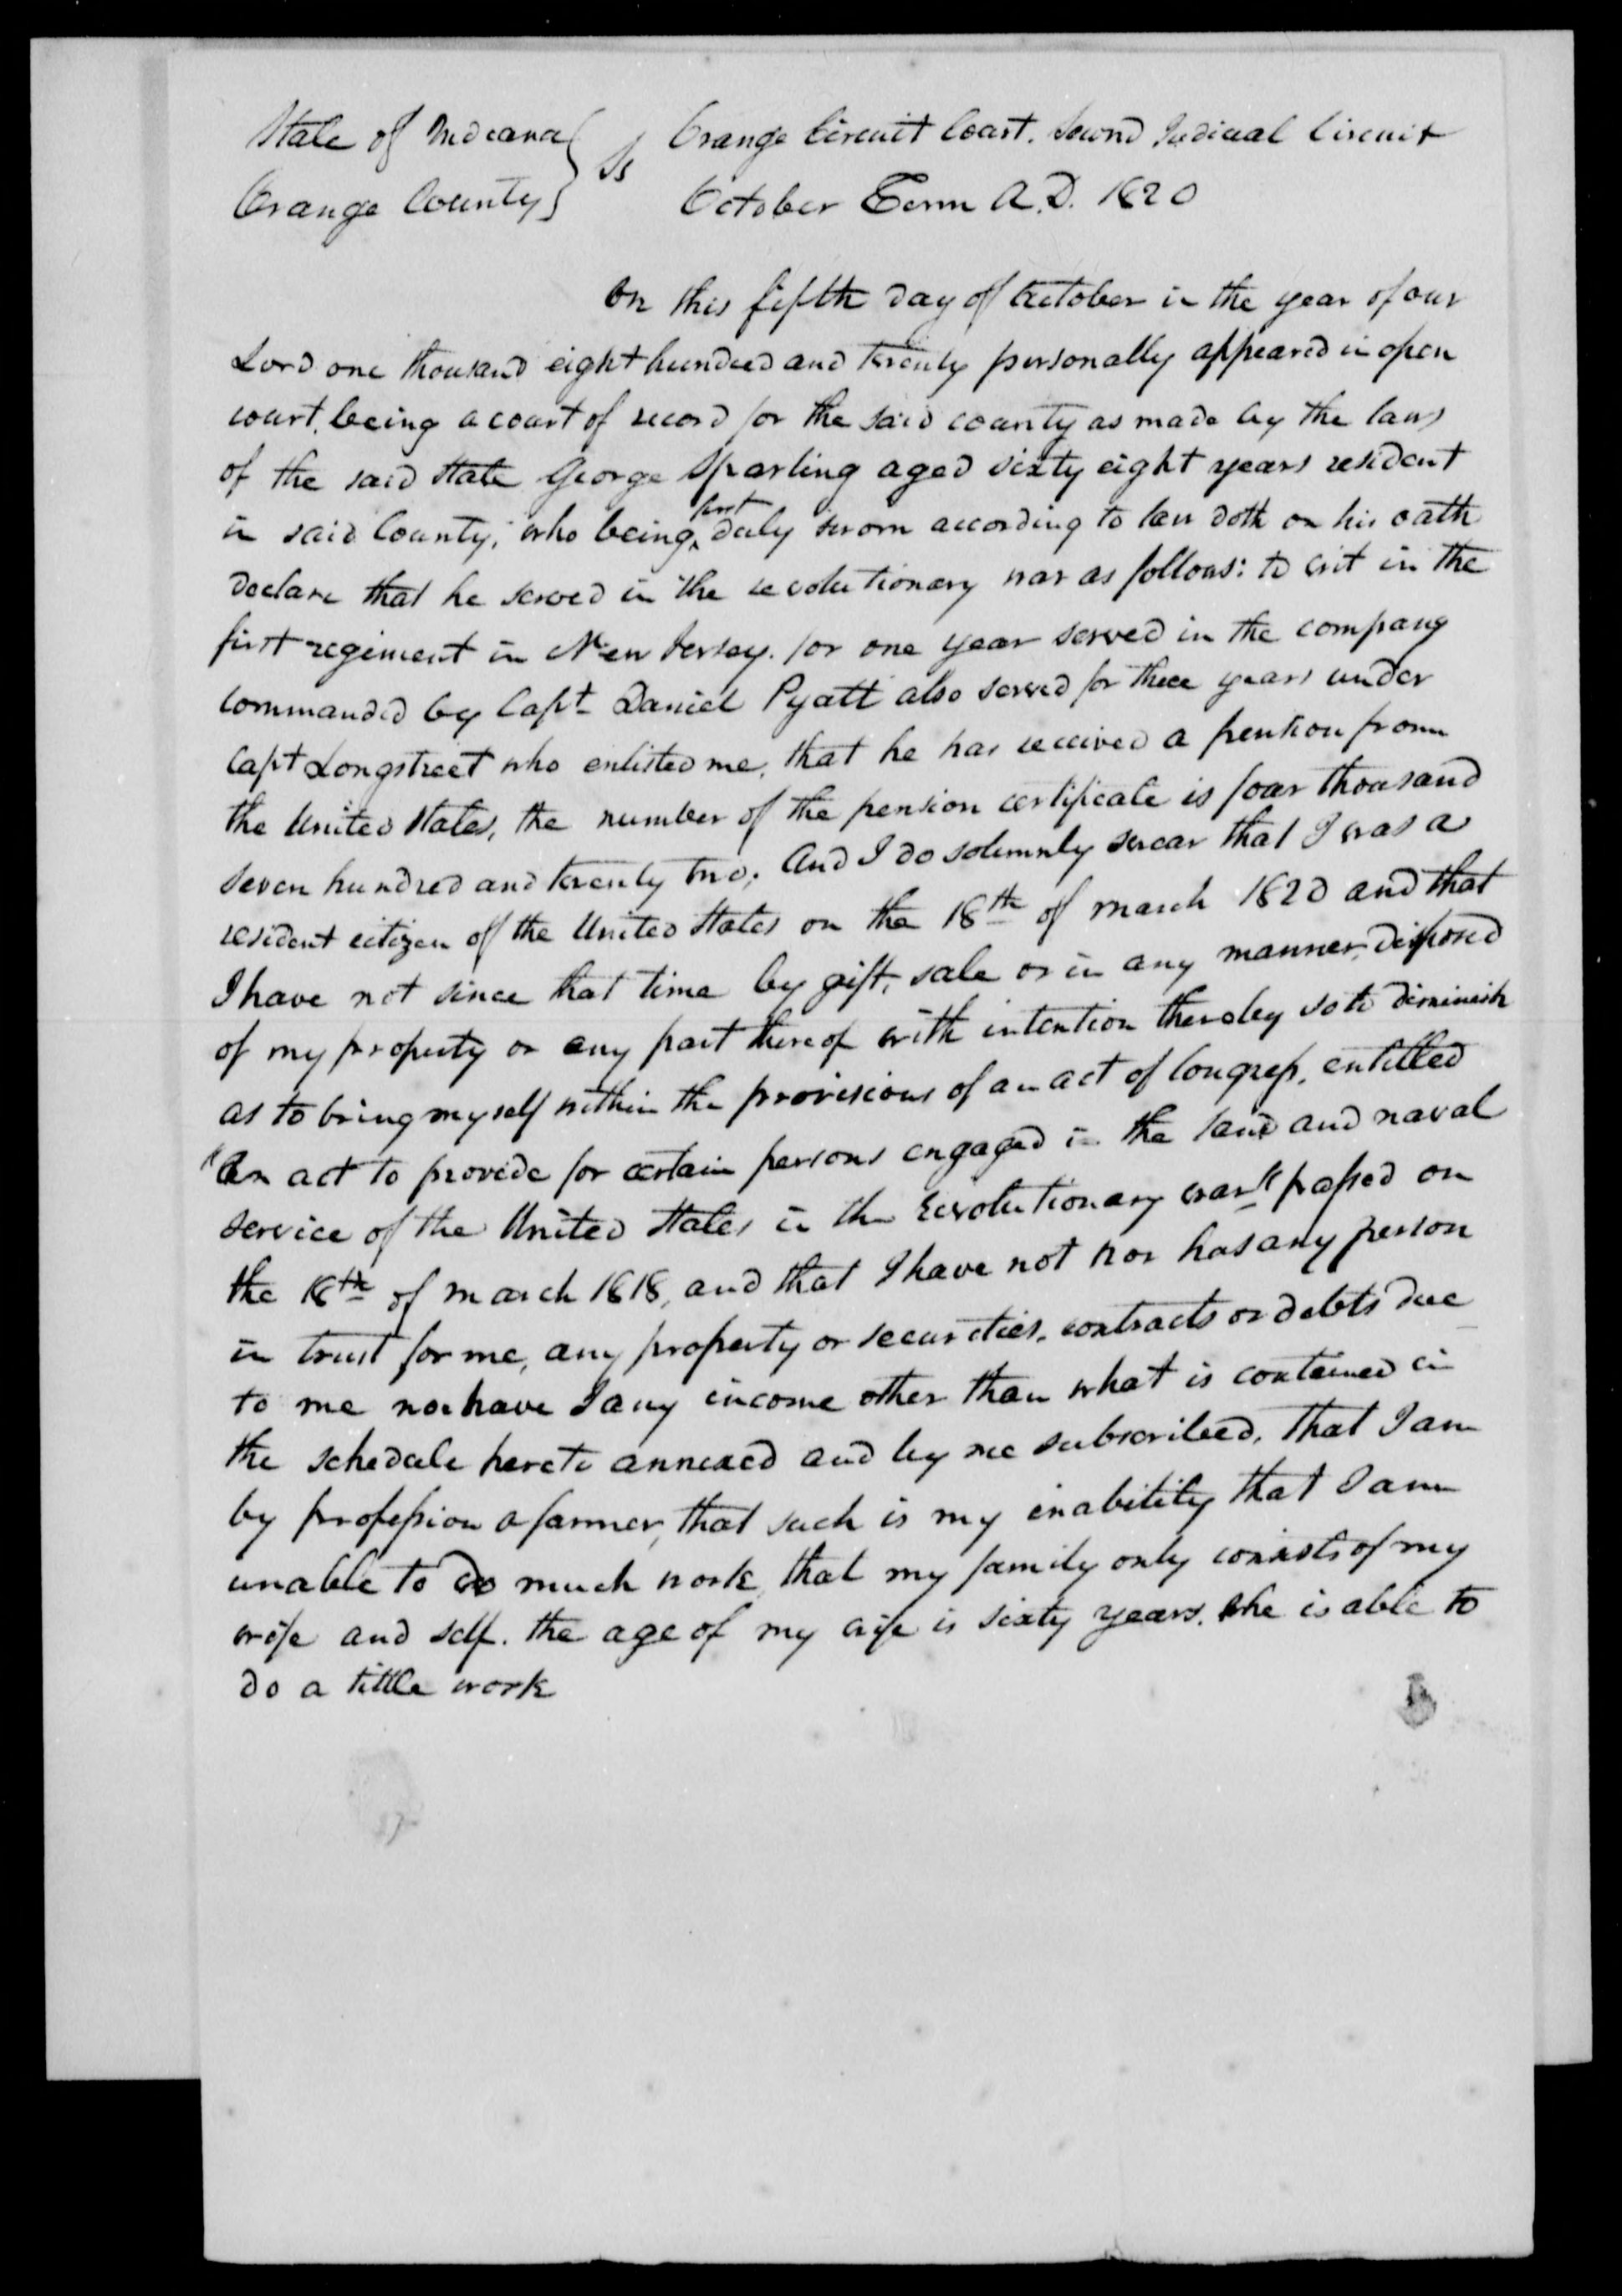state of Indiana
Grange County Ss

Grange Circuit Court. Second Judicial Circuit
October (illegible) 1820

On this fifth day of October in the year of our Lord one thousand eight hundred and twenty personally appeared in open court being a court of record for the said county as made by the laws of the said state George Sparling aged sixty eight years resident of said County, who being last duly sworn from according to law Doth on his oath Declare that he served in the revolutionary war as follows: to wit in the first regiment in New Jersey .for one year serve din the company commanded by Capt. Daniel Pyatt also served for three years under Capt. Longstreet who enlisted me that he has received a pension from the United States, the number of the pension certificate is four thousand seven hundred and twenty two, and I do solemnly sear that I was a resident citizen of the United States on the 18th day of March 1820 and that I have not since that time by gift, sale, or in any manner disposed of my property or any part thereof with intention thereby so to diminish as to bring myself within the provisions of an act of Congress entitled "an act to provide certain persons engage din the land and naval service of the United Stated in the revolutionary war" passed on the 18th of March 1818, and that I have not nor has any person in trust for me, any property or securities, contracts, or debts owed to me nor have I any income other than what is contained in the schedule hereto annexed and by me subscribed, that I am by profession a farmer, that such is my inability that I am unable to do much work that my family only consists of my wife and self. the age of my wife is sixty years. she is able to do a little work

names: Daniel Pyatt; [BLANK] Longstreet; George Sparling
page: 9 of 20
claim: survivor's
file: S. 36,783, for George Sparling, New Jersey